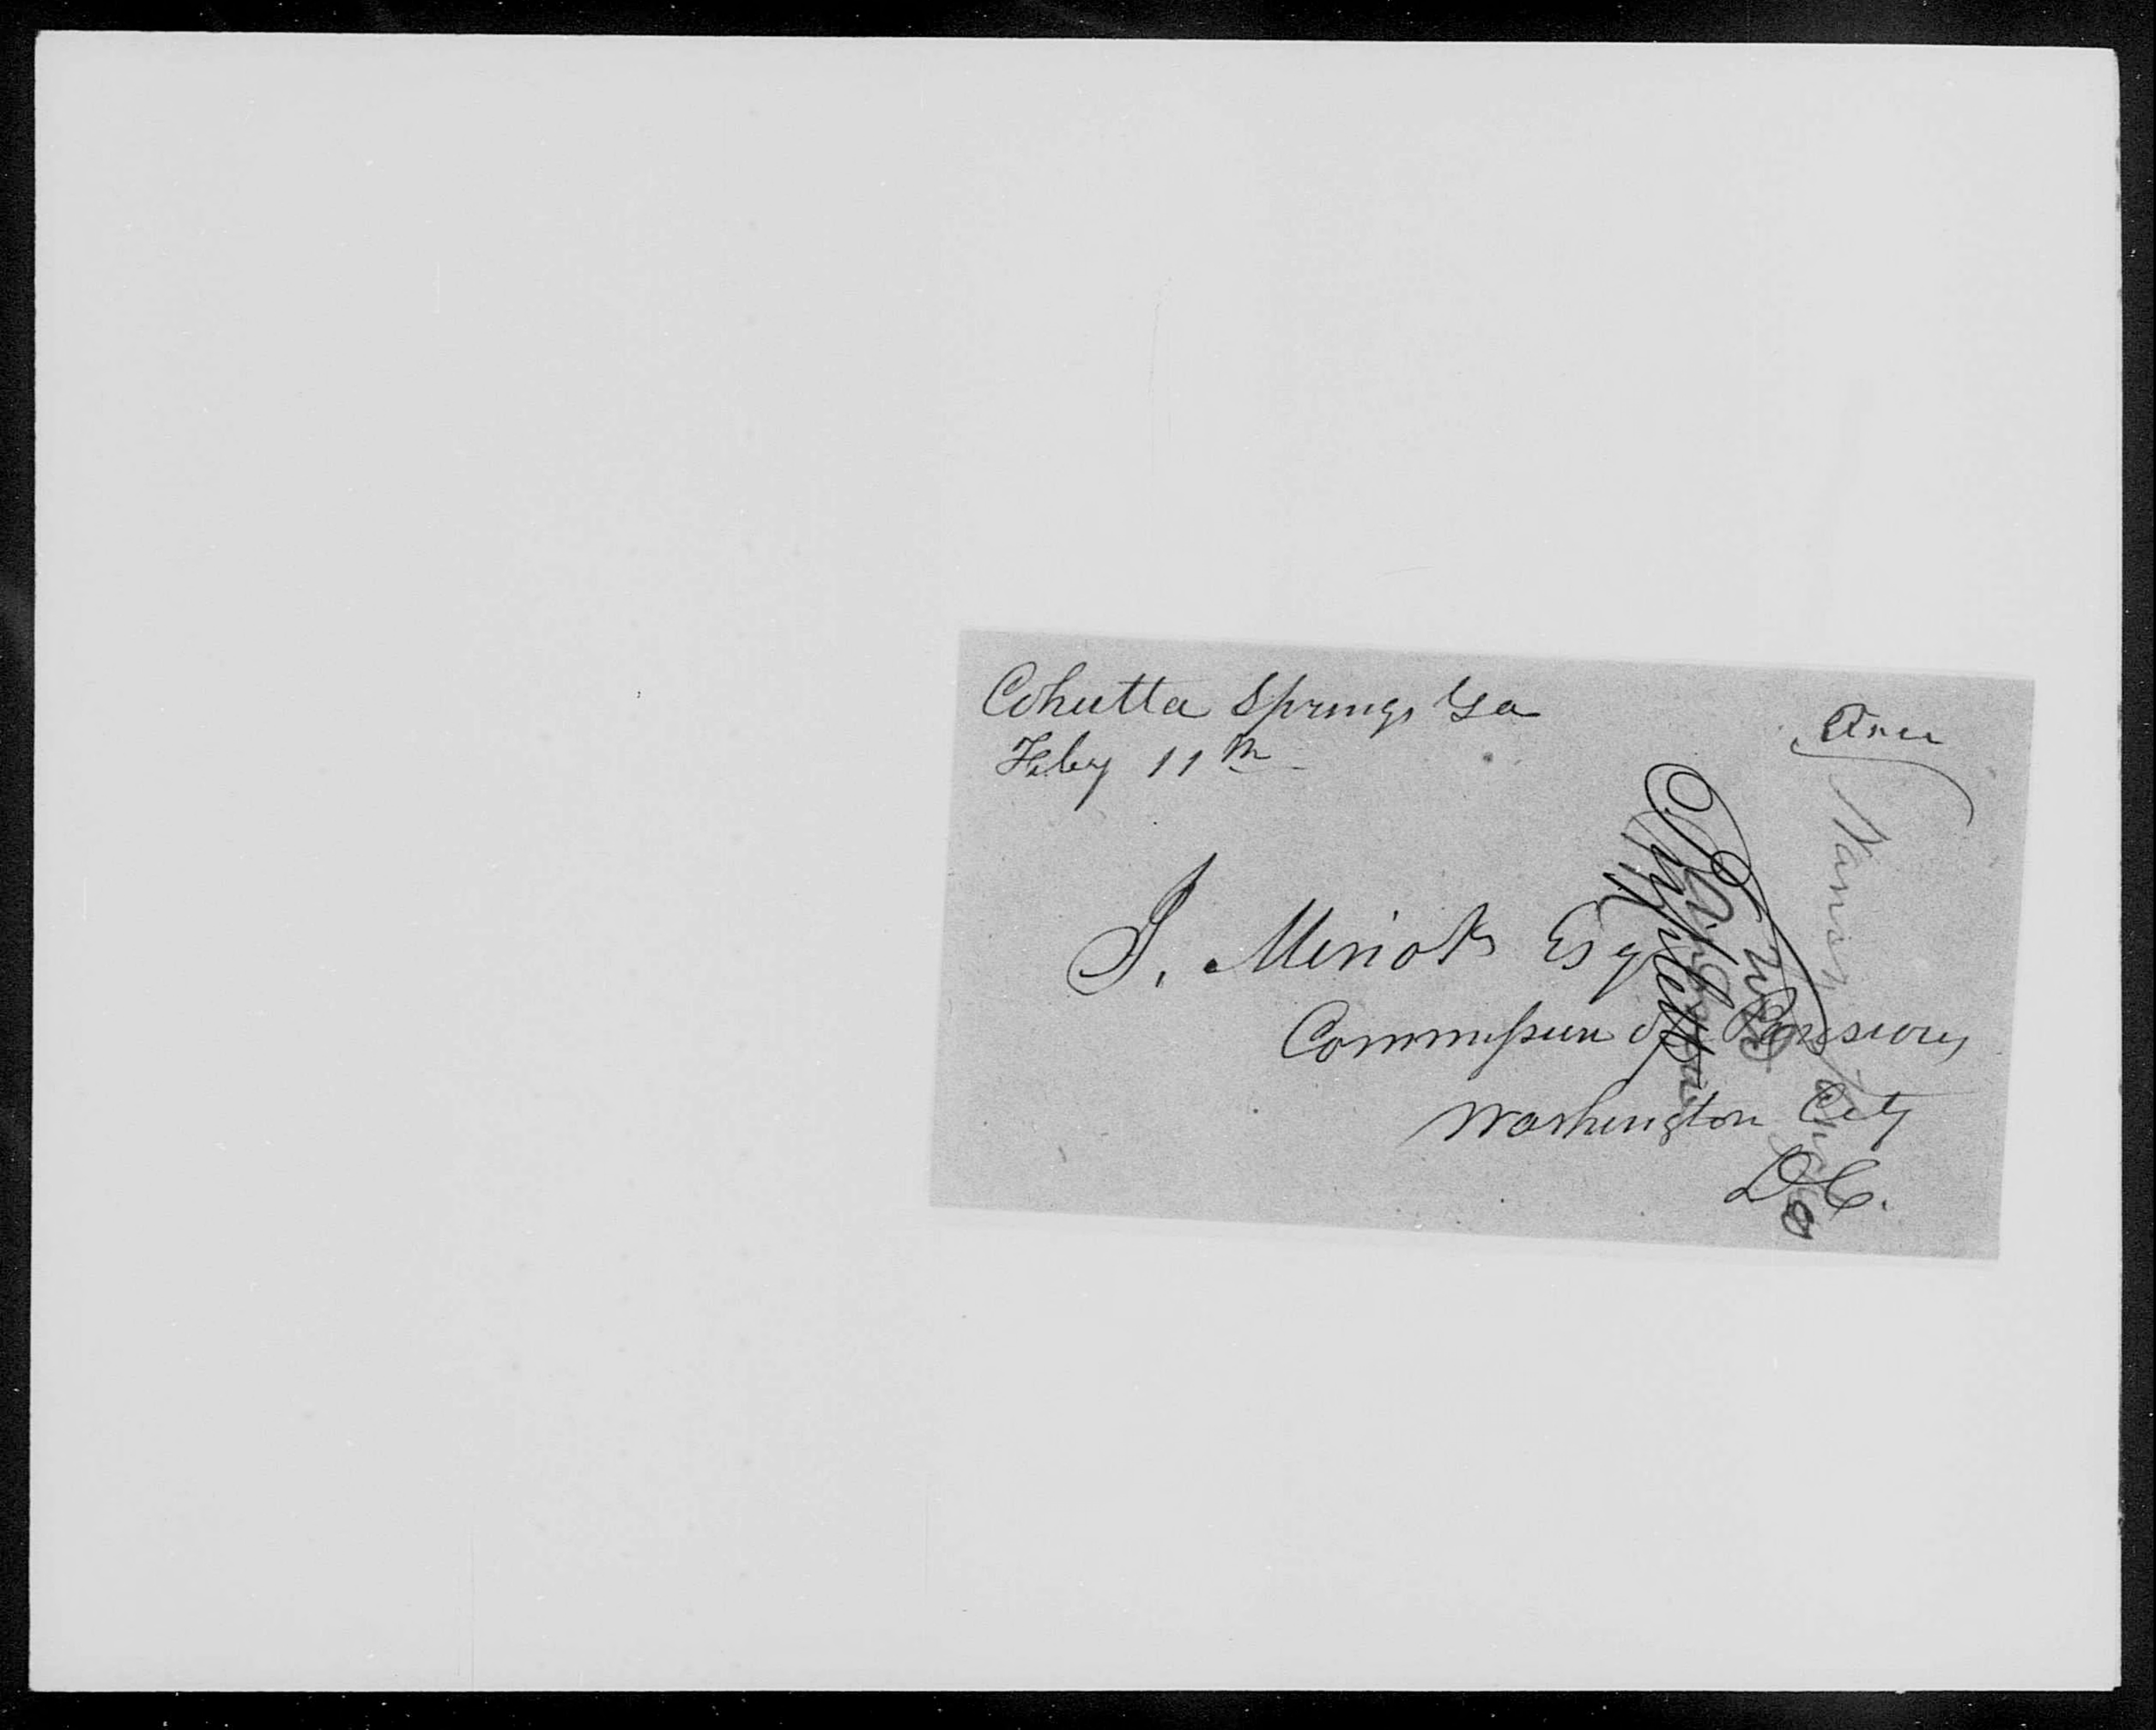Cohutta Springs GA            Once
Feby 11th
J. Minot Esq
Commission of Pension
Washington City DC
(Perpendicular over-writing illegible)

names: Nancy Hughes, J Minot, Andrew Hughes, Triplett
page: 25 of 75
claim: widow's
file: W. 25805, Andrew Hughes, N.C.